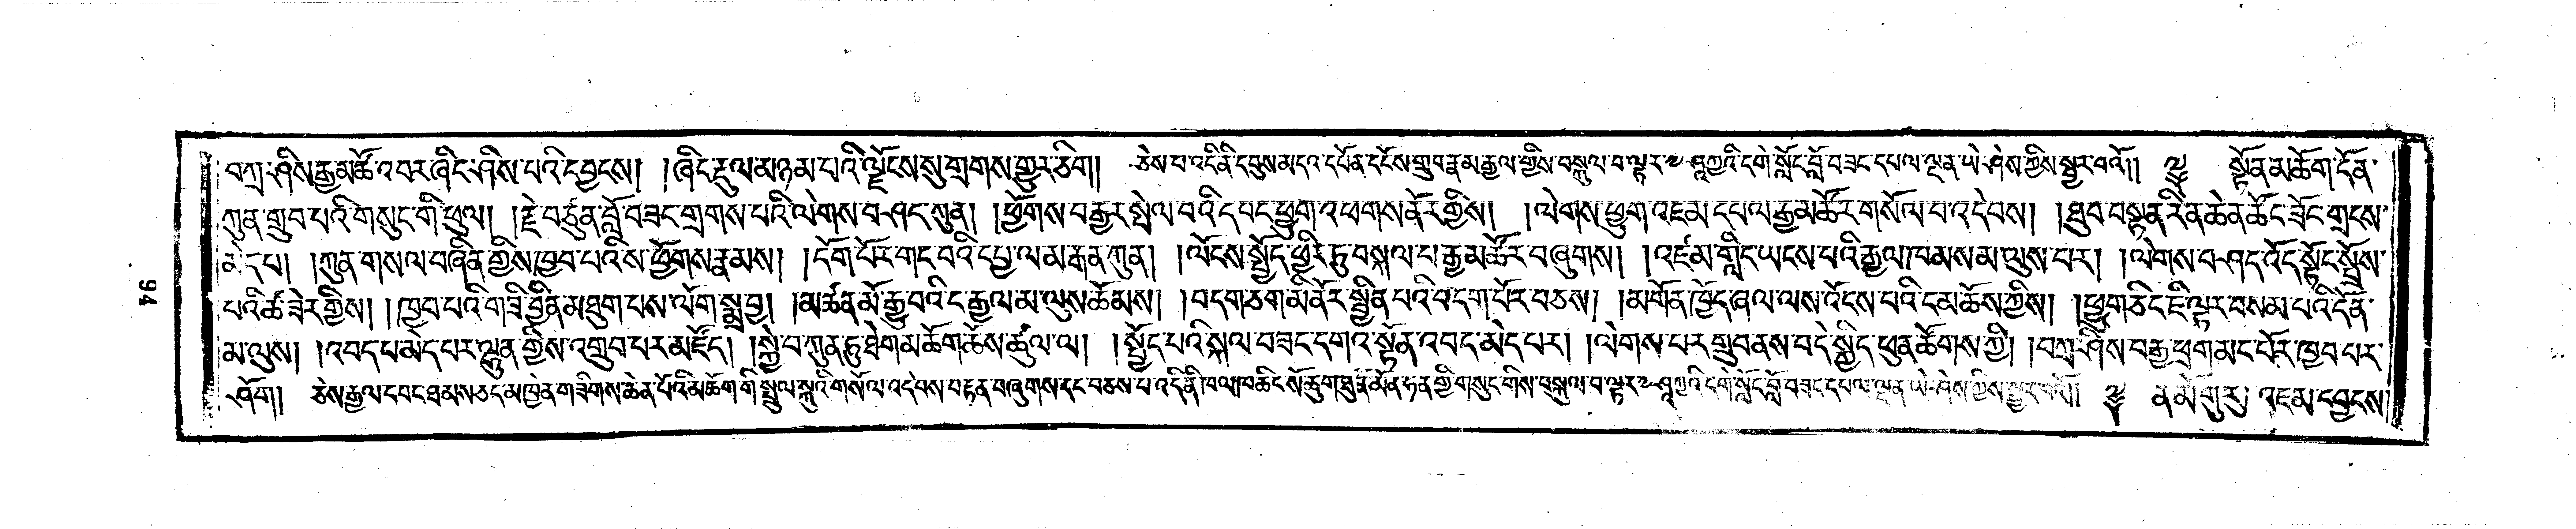བཀྲ་ཤིས་རྒྱ་མཚོ་འབར་ཞིང་ཤིས་པའི་དབྱངས། །ཞིང་རྡུལ་མཉམ་པའི་ལྗོངས་སུ་གྲགས་གྱུར་ཅིག། ཅེས་པ་འདི་ནི་དབུས་མདའ་དཔོན་དངོས་གྲུབ་རྣམ་རྒྱལ་གྱིས་བསྐུལ་བ་ལྟར་༧་ཤཱཀྱའི་དགེ་སློང་བློ་བཟང་དཔལ་ལྡན་ཡེ་ཤེས་ཀྱིས་སྦྱར་བའོ།། ༈ སྟོན་མཆོག་དོན་
ཀུན་གྲུབ་པའི་གསུང་གི་ཕུལ། །རྗེ་བཙུན་བློ་བཟང་གྲགས་པའི་ལེགས་བཤད་ཀུན། །ཕྱོགས་བརྒྱར་སྤེལ་བའི་དབང་ཕྱུག་འཕགས་ནོར་གྱིས། །ལེགས་ཕྱུག་འཇམ་དཔལ་རྒྱ་མཚོར་གསོལ་བ་འདེབས། །ཐུབ་བསྟན་རིན་ཆེན་ཚོང་ཟོང་གྲངས་
མེད་པ། །ཀུན་གསལ་བཞིན་གྱིས་ཁྱབ་པའི་ས་ཕྱོགས་རྣམས། །དོག་པོར་གང་བའི་དཔྱ་ལ་མ་རྒན་ཀུན། །ལོངས་སྤྱོད་ཕྱིར་ཏུ་བསྐལ་པ་རྒྱ་མཚོར་བཞུགས། །འཛམ་གླིང་ཡངས་པའི་རྒྱལ་ཁམས་མ་ལུས་པར། །ལེགས་བཤད་འོད་སྟོང་སྤྲོས་
པའི་ཚ་ཟེར་གྱིས། །ཁྱབ་པའི་གཟི་བྱིན་མཐུག་པས་ལོག་སྨྲ་བྱ། །མཚན་མོ་རྒྱུ་བའི་ང་རྒྱལ་མ་ལུས་ཆོམས། །བདག་ཅག་མི་ནོར་སྦྱིན་པའི་བདག་པོར་བཅས། །མགོན་ཁྱོད་ཞལ་ལས་འོངས་པའི་དམ་ཆོས་ཀྱིས། །ཕྱུག་ཅིང་ཇི་ལྟར་བསམ་པའི་དོན་
མ་ལུས། །འབད་པ་མེད་པར་ལྷུན་གྱིས་འགྲུབ་པར་མཛོད། །སྐྱེ་བ་ཀུན་ཏུ་ཐེག་མཆོག་ཆོས་ཚུལ་ལ། །སྤྱོད་པའི་སྐལ་བཟང་དགའ་སྟོན་འབད་མེད་པར། །ལེགས་པར་གྲུབ་ནས་བདེ་སྐྱིད་ཕུན་ཚོགས་ཀྱི། །བཀྲ་ཤིས་བརྒྱ་ཕྲག་མང་པོར་ཁྱབ་པར་
ཤོག། ཅེས་རྒྱལ་དབང་ཐམས་ཅད་མཁྱེན་གཟིགས་ཆེན་པོའི་མཆོག་གི་སྤྲུལ་སྐུའི་གསོལ་འདེབས་བརྟན་བཞུགས་དང་བཅས་པ་འདི་ནི་ཁལ་ཁ་ཆིང་སོ་ཆུག་ཐུན་མོན་ཧན་གྱི་གསུང་གིས་བསྐུལ་བ་ལྟར་༧་ཤཱཀྱའི་དགེ་སློང་བློ་བཟང་དཔལ་ལྡན་ཡེ་ཤེས་ཀྱིས་སྦྱར་བའོ།། ༈ ན་མོ་གུ་རུ། འཇམ་དབྱངས་